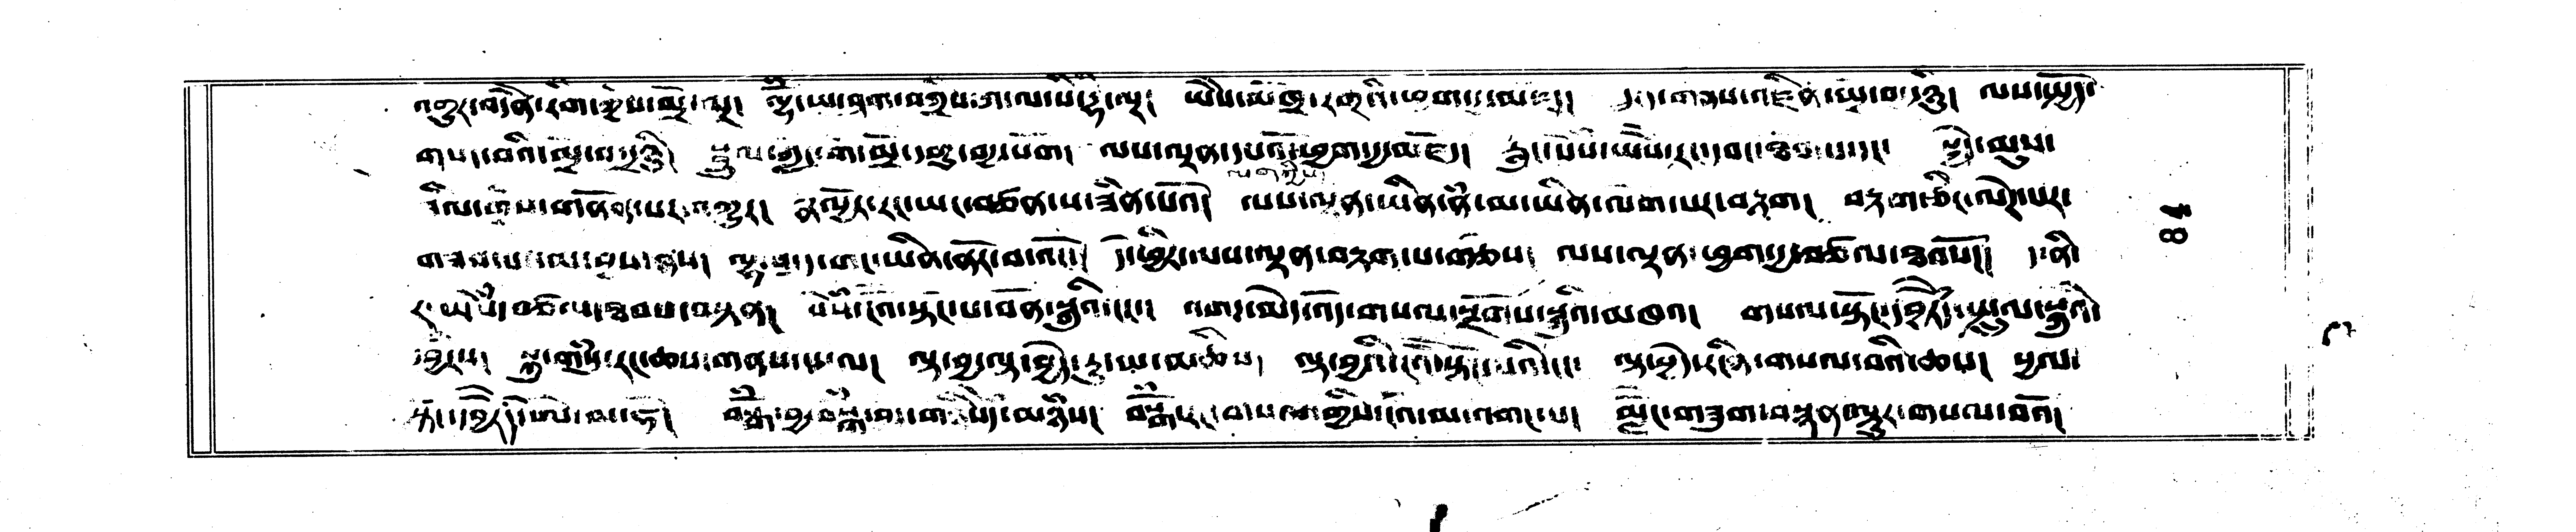གྱུར་བདེ་ཆེན་རིགས་ཀྱི་མཁའ་འགྲོ་ལྔ། ལྷ་མོ་ཡ་ཤག་བཀྲེས་ཀ་ལ་སི་དྷི་ལྔ། ཡེ་ཤེས་མཁའ་འགྲོ་རིགས་ལྔའི་ཕྱག་རྒྱ་མཛད། དུར་ཁྲོད་གནས་འཛིན་མཁའ་འགྲོ་མ་ཉི་ཤུ། ལས་སྤྱོད་
གསང་བའི་མཁའ་འགྲོ་མ་ཉི་ཤུ། རྫུ་འཕྲུལ་གླིང་གི་མཁའ་འགྲོ་དགུ་བརྒྱ་སོགས། ལས་ལྡན་དཔའ་བོ་ལག་ཀྱི་ཕྱག་རྒྱ་མཛོད། རླུང་སེམས་ཡེ་ཤེས་རང་དབང་ཐོབ་པ་དང་། སྡེ་བརྒྱད་མ་ལུས་
ཟིལ་གྱིས་གནོན་པར་འགྱུར། རྣལ་འབྱོར་རང་ཡང་བཙན་ས་ཟིན་པའོ། ལས་ལྡན་ཡིན་ནམ་མ་ཡིན་ལེགས་པར་བརྟག བརྟགས་ཤིང་ལེགས་པར་
གཟབ་པར་མ་བྱས་ན། ལྷ་བདུད་གང་ཡིན་ནོར་བ་འོང་། དེ་ཕྱིར་ལས་ལྡན་བརྟག་པ་གཅེས། ལས་ལྡན་ཕྱག་རྒྱ་བཙལ་ཐབས་སོ། ད་ནི་
རང་སེམས་བཙལ་ཐབས་བསྟན། སེམས་ངོ་བོ་སྟོང་པ་བོན་སྐུའི་ངང་། འགག་མེད་འོད་གསལ་རྫོགས་སྐུའི་མཁའ། གསལ་སྟོང་དབྱེར་མེད་སྤྲུལ་སྐུའི་
དབྱིངས། སྐུ་གསུམ་རང་ཆས་གནས་པ་ལ། ལྟ་བྱ་ལྟ་བྱེད་རྒྱུ་མ་མཆིས། ལྟ་བྱའི་ངོ་བོ་སྟོང་པའི་ངང་། ལྟ་བྱེད་རང་བཞིན་གསལ་བའི་ཆས། གསལ་
སྟོང་དབྱེར་མེད་ཨེ་མ་ཧོ། བསྒོམ་བྱ་སྒོམ་བྱེད་གཉིས་མེད་མཉམ། སྒོམ་རང་གསལ་གྱི་ངོ་བོ་མ་འགག་པ། མེ་ལོང་གཟུགས་བརྙན་ལྟ་བུར་གསལ་བའོ། །